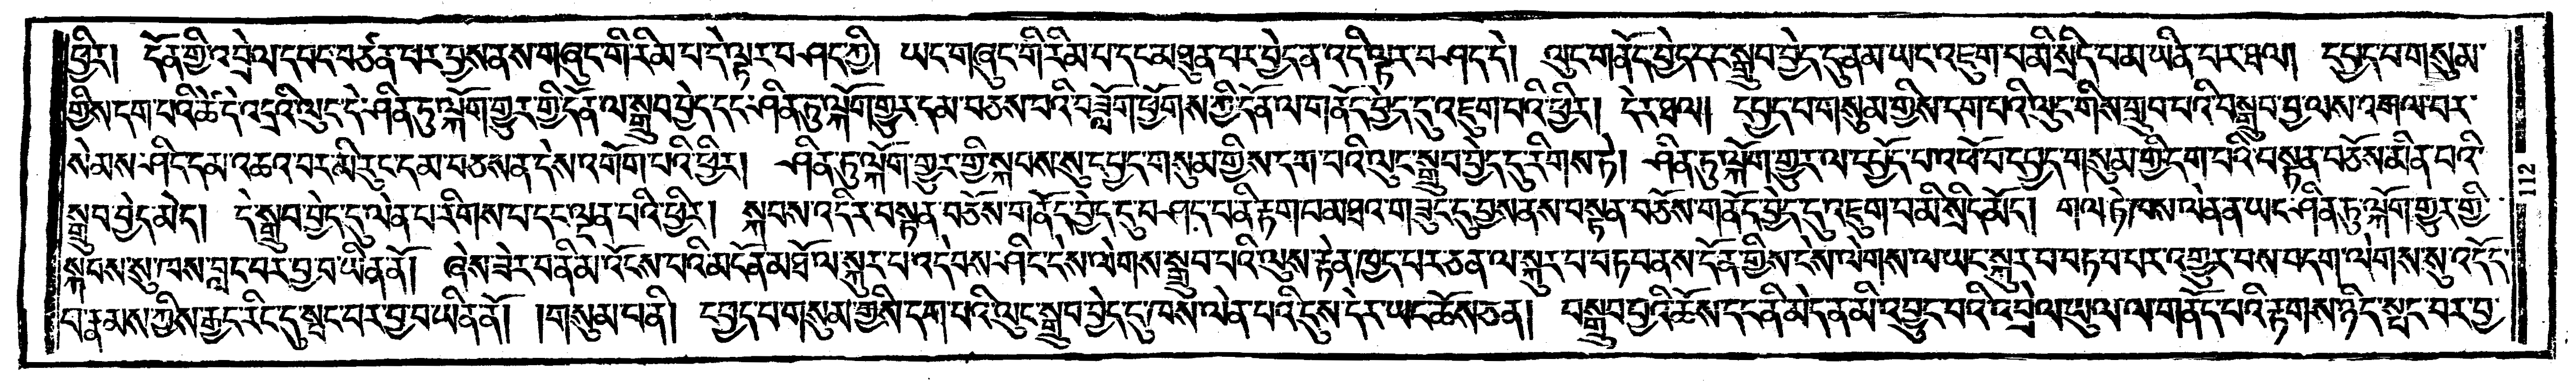ཕྱིར། དོན་གྱི་འབྲེལ་དབང་བཙན་པར་བྱས་ནས་གཞུང་གི་རིམ་པ་དེ་ལྟར་བཤད་ཀྱི། ཡང་གཞུང་གི་རིམ་པ་དང་མཐུན་པར་བྱེད་ན་འདི་ལྟར་བཤད་དེ། ལུང་གནོད་བྱེད་དང་སྒྲུབ་བྱེད་དུ་ནམ་ཡང་འཇུག་པ་མི་སྲིད་པ་མ་ཡིན་པར་ཐལ། དཔྱད་པ་གསུམ་
གྱིས་དག་པའི་ཚེ་དེ་འདྲའི་ལུང་དེ་ཤིན་ཏུ་ལྐོག་གྱུར་གྱི་དོན་ལ་སྒྲུབ་བྱེད་དང་ཤིན་ཏུ་ལྐོག་གྱུར་དམ་བཅས་པའི་བཟློག་ཕྱོགས་ཀྱི་དོན་ལ་གནོད་བྱེད་དུ་འཇུག་པའི་ཕྱིར། དེར་ཐལ། དཔྱད་པ་གསུམ་གྱིས་དག་པའི་ལུང་གིས་གྲུབ་པའི་བསྒྲུབ་བྱ་ལས་འགལ་བར་
སེམས་ཤིང་དམ་འཆའ་བར་མི་རུང་དམ་བཅས་ན་དེས་འགོག་པའི་ཕྱིར། ཤིན་ཏུ་ལྐོག་གྱུར་གྱི་སྐབས་སུ་དཔྱད་གསུམ་གྱིས་དག་པའི་ལུང་སྒྲུབ་བྱེད་དུ་རིགས་ཏེ། ཤིན་ཏུ་ལྐོག་གྱུར་ལ་དཔྱོད་པ་འཕོ་བ་དཔྱད་གསུམ་གྱི་དག་པའི་བསྟན་བཅོས་མིན་བའི་
སྒྲུབ་བྱེད་མེད། དེ་སྒྲུབ་བྱེད་དུ་ལེན་པ་རིགས་པ་དང་ལྡན་པའི་ཕྱིར། སྐབས་འདིར་བསྟན་བཅོས་གནོད་བྱེད་དུ་བཤད་པ་ནི་རྟག་པ་མཐའ་གཟུང་དུ་བྱས་ནས་བསྟན་བཅོས་གནོད་བྱེད་དུ་འཇུག་པ་མི་སྲིད་མོད། གལ་ཏེ་ཁས་ལེན་ན་ཡང་ཤིན་ཏུ་ལྐོག་གྱུར་གྱི་
སྐབས་སུ་ཁས་བླང་བར་བྱ་བ་ཡིན་ནོ། ཞེས་ཟེར་བ་ནི་མ་འོངས་པའི་མངོན་མཐོ་ལ་སྐུར་པ་འདེབས་ཤིང་ངེས་ལེགས་སྒྲུབ་པའི་ལུས་རྟེན་ཁྱད་པར་ཅན་ལ་སྐུར་པ་བཏབ་ནས་དོན་གྱིས་ངེས་ལེགས་ལ་ཡང་སྐུར་བ་བཏབ་པར་འགྱུར་བས་བདག་ལེགས་སུ་འདོད་
པ་རྣམས་ཀྱིས་རྒྱང་རིང་དུ་སྤང་བར་བྱ་བ་ཡིན་ནོ། །གསུམ་པ་ནི། དཔྱད་པ་གསུམ་གྱིས་དག་པའི་ལུང་སྒྲུབ་བྱེད་དུ་ཁས་ལེན་པའི་དུས་དེར་ཡང་ཆོས་ཅན། བསྒྲུབ་བྱའི་ཆོས་དང་ནི་མེད་ན་མི་འབྱུང་བའི་འབྲེལ་ཡུལ་ལ་གནོད་པའི་རྟགས་ཉིད་སྤང་བར་བྱ་